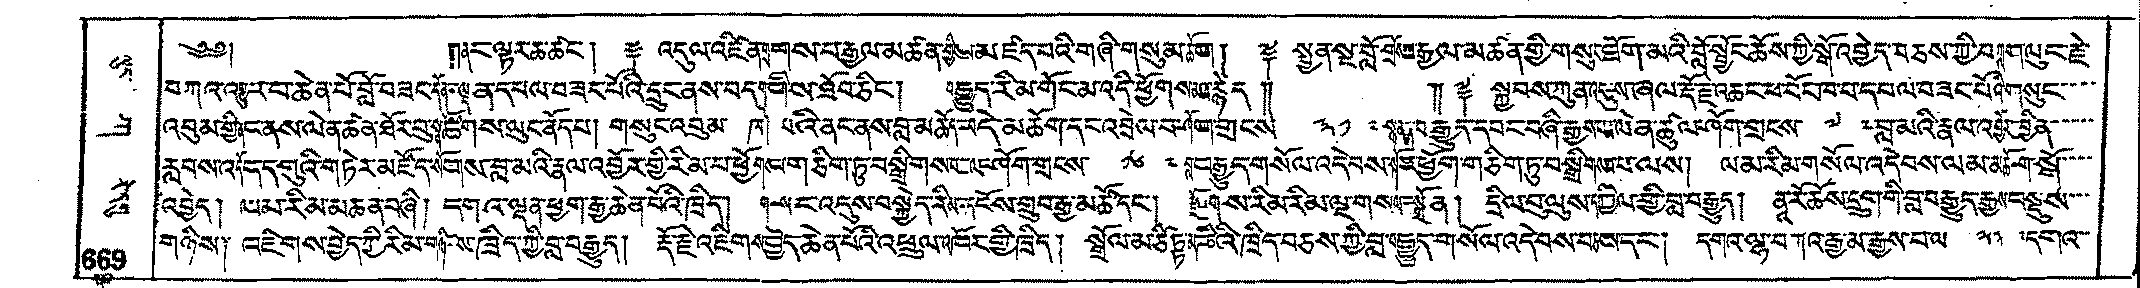༄༅། །ནང་ལྟར་ཆ་ཚང་། འ་འདུལ་འཛིན་གྲགས་པ་རྒྱལ་མཚན་གྱིས་མཛད་པའི་གཞི་གསུམ་ཆོ་ག། འ་སྤྱན་སྔ་བློ་གྲོས་རྒྱལ་མཚན་གྱི་གསུང་ཐོག་མའི་བློ་སྦྱོང་ཆོས་ཀྱི་སྒོ་འབྱེད་བཅས་ཀྱི་བཀླག་ལུང་རྗེ་
བཀའ་འགྱུར་བ་ཆེན་པོ་བློ་བཟང་དོན་ལྡན་དཔལ་བཟང་པོའི་དྲུང་ནས་བདག་གིས་ཐོབ་ཅིང་། བརྒྱུད་རིམ་གོང་མ་འདི་ཕྱོགས་མ་རྙེད།། །།འ་སྐྱབས་ཀུན་འདུས་ཞལ་རྡོ་རྗེ་འཆང་ཕ་བོང་ཁ་པ་དཔལ་བཟང་པོའི་གསུང་
འབུམ་གྱི་ནང་ནས་ལེན་ཚན་ཐོར་བུ་སྣ་ཚོགས་ལུང་ནོད་པ། གསུང་འབུམ། ཁ་པའི་ནང་ནས་བླ་མཆོད་བདེ་མཆོག་དན་འབྲེལ་བ་ཤོག་གྲངས། ༣༡ ༧སྙན་བརྒྱད་དབང་བཞི་རྒྱས་པ་ལེན་ཚུལ་ཤོག་གྲངས ༧ ༧བླ་མའི་རྣལ་འབྱོར་བྱིན་
རླབས་འདོད་དགུའི་གཏེར་མཛོད་སོགས་བླ་མའི་རྣལ་འབྱོར་གྱི་རིམ་པ་ཕྱོགས་གཅིག་ཏུ་བསྒྲིགས་པ་ལ་ཤོག་གྲངས ༡༦ ༧བླ་བརྒྱུད་གསོལ་འདེབས་སྐོར་ཕྱོག་གཅིག་ཏུ་བསྒྲིགས་པ་ལས། ལམ་རིམ་གསོལ་འདེབས་ལམ་མཆོག་སྒོ་
འབྱེད། ལམ་རིམ་མཆན་བཞི། དགའ་ལྡན་ཕྱག་རྒྱ་ཆེན་པོའི་ཁྲིད། གསང་འདུས་བསྐྱེད་རིམ་དངོས་གྲུབ་རྒྱ་མཚོ་དང་། རྫོགས་རིམ་རིམ་ལྔ་གསལ་སྒྲོན། དྲིལ་བུ་ལུས་དཀྱིལ་གྱི་བླ་བརྒྱུད། ནཱ་རོ་ཆོས་དྲུག་གི་བླ་བརྒྱུད་རྒྱས་བསྡུས་
གཉིས༑ འཇིགས་བྱེད་ཀྱི་རིམ་གཉིས་ཁྲིད་ཀྱི་བླ་བརྒྱུད། རྡོ་རྗེ་འཇིགས་བྱེད་ཆེན་པོའི་འཕྲུལ་འཁོར་གྱི་ཁྲིད། སྒྲོལ་མ་ཙིཏྟ་མ་ཎིའི་ཁྲིད་བཅས་ཀྱི་བླ་བརྒྱུད་གསོལ་འདེབས་བཅས་དང་། དགའ་ལྷ་བཀའ་རྒྱ་མ་རྒྱས་པ་ལ ༢༣ ༧དགའ་